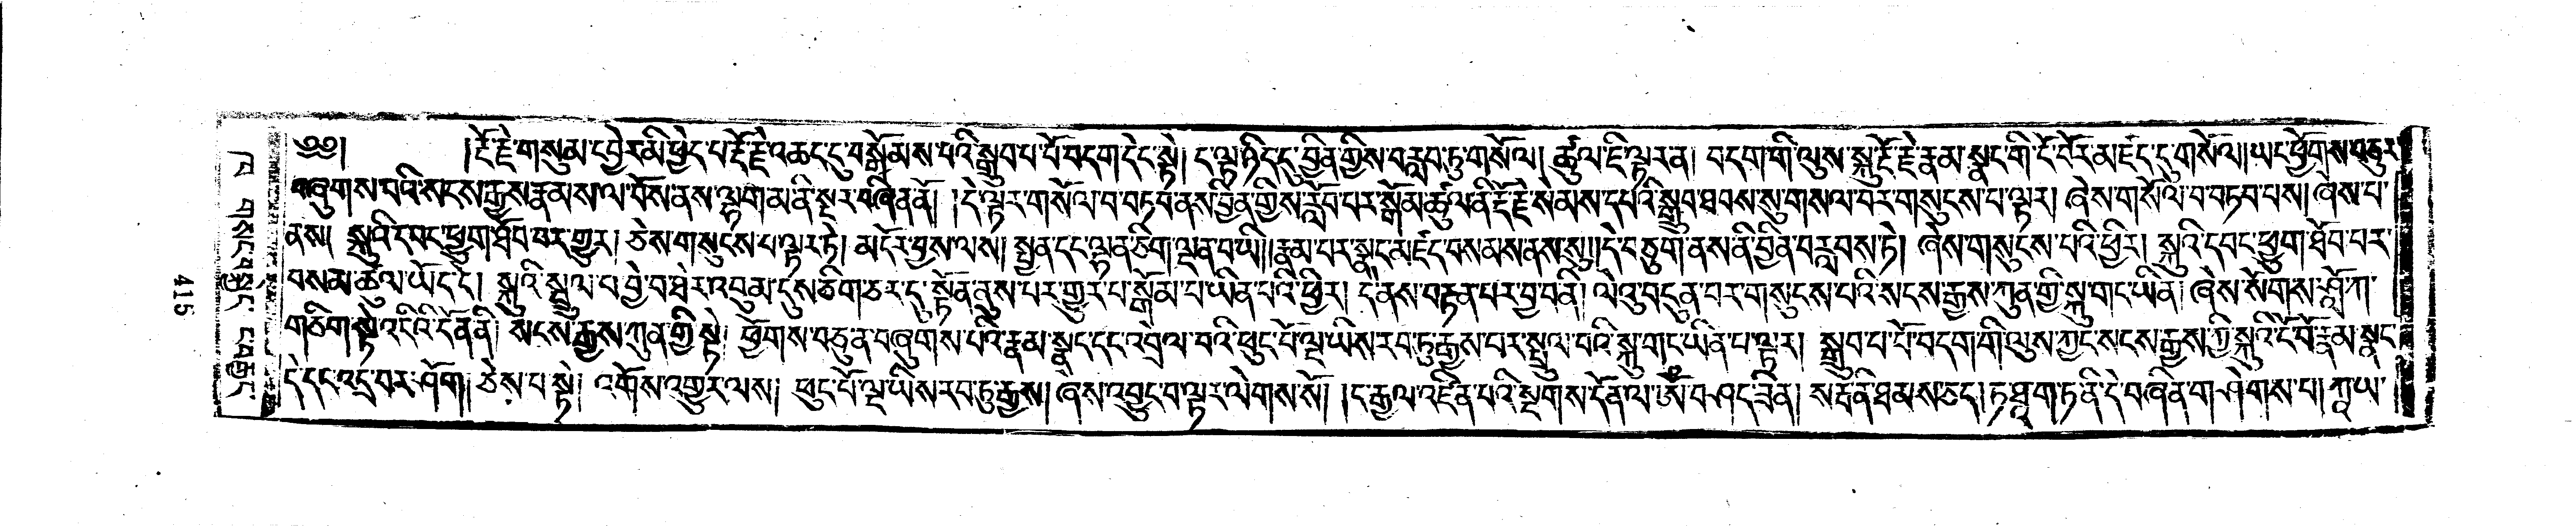༄༅། །རྡོ་རྗེ་གསུམ་དབྱེར་མི་ཕྱེད་པ་རྡོ་རྗེ་འཆང་དུ་བསྒོམས་པའི་སྒྲུབ་པ་པོ་བདག་དེང་སྟེ། ད་ལྟ་ཉིད་དུ་བྱིན་གྱིས་བརླབ་ཏུ་གསོལ། ཚུལ་ཇི་ལྟར་ན། བདག་གི་ལུས་སྐུ་རྡོ་རྗེ་རྣམ་སྣང་གི་ངོ་བོར་མཛད་དུ་གསོལ། ཡང་ཕྱོགས་བཅུར་
བཞུགས་པའི་སངས་རྒྱས་རྣམས་ལ་བོས་ནས་ལྷག་མ་ནི་སྔར་བཞིན་ནོ། །དེ་ལྟར་གསོལ་བ་བཏབ་ནས་བྱིན་གྱིས་རློབ་པར་སྒོམ་ཚུལ་ནི་རྡོ་རྗེ་སེམས་དཔའི་སྒྲུབ་ཐབས་སུ་གསལ་བར་གསུངས་པ་ལྟར། ཞེས་གསོལ་བ་བཏབ་པས། ཞེས་པ་
ནས། སྐུའི་དབང་ཕྱུག་ཐོབ་པར་གྱུར། ཅེས་གསུངས་པ་ལྟར་ཏེ། མདོར་བྱས་ལས། སྤྱན་དང་ལྷན་ཅིག་ལྡན་པ་ཡི། །རྣམ་པར་སྣང་མཛད་བསམས་ནས་སུ། །དེ་བཅུག་ནས་ནི་བྱིན་བརླབས་ཏེ། ཞེས་གསུངས་པའི་ཕྱིར། སྐུའི་དབང་ཕྱུག་ཐོབ་པར་
བསམ་ཚུལ་ཡོད་དེ། སྐུའི་སྤྲུལ་པ་བྱེ་བ་ཐེར་འབུམ་དུས་ཅིག་ཅར་དུ་སྟོན་ནུས་པར་གྱུར་པ་སྒོམ་པ་ཡིན་པའི་ཕྱིར། དེ་ནས་བརྟན་པར་བྱ་བ་ནི། ལེའུ་བདུན་པར་གསུངས་པའི་སངས་རྒྱས་ཀུན་གྱི་སྐུ་གང་ཡིན། ཞེས་སོགས་ཤློ་ཀ་
གཅིག་སྟེ་འདིའི་དོན་ནི། སངས་རྒྱས་ཀུན་གྱི་སྟེ། ཕྱོགས་བཅུ་ན་བཞུགས་པའི་རྣམ་སྣང་དང་འབྲེལ་བའི་ཕུང་པོ་ལྔ་ཡིས་རབ་ཏུ་རྒྱས་པར་སྤྲུལ་པའི་སྐུ་གང་ཡིན་པ་ལྟར། སྒྲུབ་པ་པོ་བདག་གི་ལུས་ཀྱང་སངས་རྒྱས་ཀྱི་སྐུའི་ངོ་བོ་རྣམ་སྣང་
དེ་དང་འདྲ་བར་ཤོག །ཅེས་པ་སྟེ། འགོས་འགྱུར་ལས། ཕུང་པོ་ལྔ་ཡིས་རབ་ཏུ་རྒྱས། ཞེས་འབྱུང་བ་ལྟར་ལེགས་སོ། །ང་རྒྱལ་འཛིན་པའི་སྔགས་དོན་ལ་ཨོཾ་བཤད་ཟིན། སརྦ་ནི་ཐམས་ཅད། ཏ་ཐཱ་ག་ཏ་ནི་དེ་བཞིན་གཤེགས་པ། ཀཱ་ཡ་